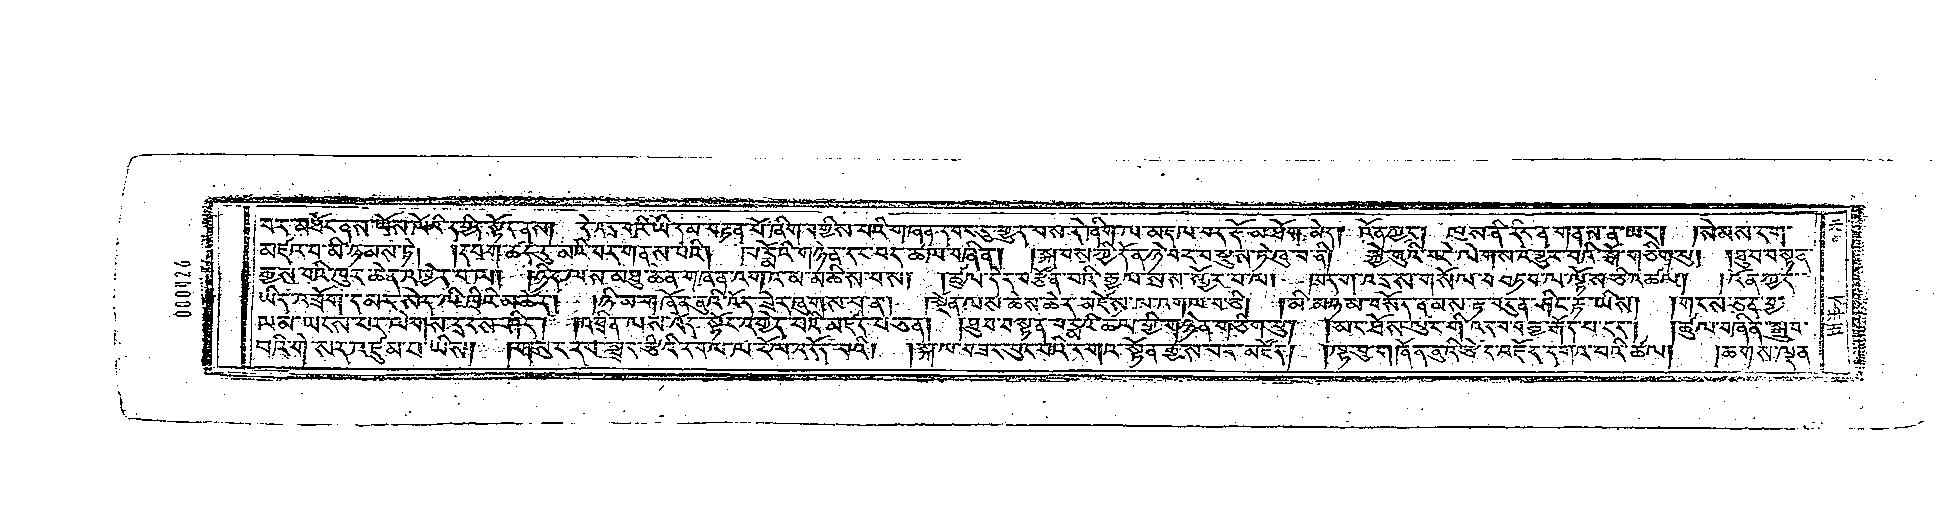བར་མཐོང་ནས་ཡོས་ལོའི་དཔྱིད་སྟོང་ནས། དེ་འདྲ་བའི་ཡི་དམ་བརྟན་པོ་ཞིག་བགྱིས་པའི་གཞན་དབང་དུ་གྱུར་བས་དེ་ཞིག་ལ་མཇལ་བར་རྡོ་མ་ཐོག་མེད། འོན་ཀྱང་། ལུས་ནི་རིང་ན་གནས་ན་ཡང་། །སེམས་ངག་
མཛའ་བ་མི་ཉམས་ཏེ། །དཔག་ཚད་དུ་མའི་བར་གནས་པའི། །པདམོའི་གཉེན་དང་པད་ཚལ་བཞིན། །སྐབས་ཀྱི་དོན་ཉེ་བར་བསྡུས་ཏེ་ཞུ་བ་ནི། སྐྱེ་གུའི་བདེ་ལེགས་འབྱུང་བའི་སྒོ་གཅིག་པུ། །ཐུབ་བསྟན་
རྒྱས་བའི་ཁུར་ཆེན་འཁྱེར་བ་ལ། །ཉིད་ལས་མཐུ་ཆེན་གཞན་འགའ་མ་མཆིས་པས། །ཚུལ་དེར་བརྩོན་པའི་རྒྱལ་སྲས་སྤྱོད་པ་ལ། །བདག་འདྲས་གསོལ་བ་བཏབ་ལ་ལྟོས་ཅི་འཚལ། །འོན་ཀྱང་
ཡིད་འཕྲོག་དམར་སེར་ལི་ཁྲའི་མཚེར། །ཉི་མ་གཞོན་ནུའི་འོད་ཟེར་ཞུགས་པ་ན། །སྔོན་ལས་ཆེས་ཆེར་མཛེས་ལ་འགལ་བ་ཅི། །མི་མཉམ་བསོད་ནམས་རྟ་བདུན་ཤིང་རྟ་ཡིས། །གངས་ཅན་བྱ་
ལམ་ཡངས་པར་ལེགས་དྲངས་ཤིང་། །འཕྲིན་ལས་འོད་སྟོང་འགྱེད་པའི་མཛད་པ་ཅན། །ཐུབ་བསྟན་པདམའི་ཚལ་གྱི་གཉེན་གཅིག་པུ། །མང་ཐོས་ལུང་གི་འདབ་བརྒྱ་རྒོད་པ་དང་། །ཚུལ་བཞིན་སྒྲུབ་
བའི་གེ་སར་འཛུམ་པ་ཡིས། །གསུང་རབ་སྤྲང་རྩིའི་དཔལ་ལ་རོལ་འདོད་པའི། །སྐལ་བཟང་བུང་བའི་དགའ་སྟོན་རྒྱས་བར་མཛོད། །ལྟ་བུ་གཞོན་ནུའི་རྩོད་འཇོར་དགའ་བའི་ཚལ། །ཆགས་ལྡན་